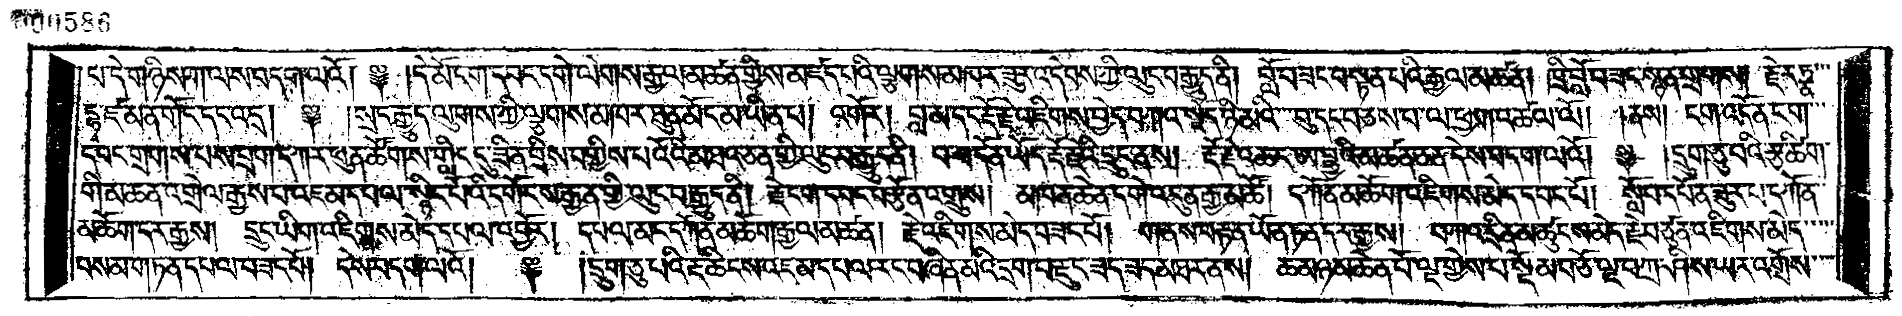པ་དེ་གཉིས་ཀ་ལས་བདག་ལའོ། ༈ །དེ་མོ་ངག་དབང་དགེ་ལེགས་རྒྱལ་མཚན་གྱིས་མཛད་པའི་ལྕགས་མཁར་ཟུར་འདེབས་ཀྱི་ལུང་བརྒྱུད་ནི། བློ་བཟང་བསྟན་པའི་རྒྱལ་མཚན། ཁྲི་བློ་བཟང་སྙན་གྲགས། རྗེ་རཏྣ་
དྷྭ་ཛ་མན་གོང་དང་འདྲ། ༈ །སྲད་རྒྱུད་ལུགས་ཀྱི་ལྕགས་མཁར་ཐུན་མོང་མ་ཡིན་པ། འགོར། བླ་མ་དང་རྡོ་རྗེ་འཇིགས་བྱེད་བཀའ་སྡོད་ཉི་མའི་བུ་དང་བཅས་པ་ལ་ཕྱག་འཚལ་ལོ། །ནས། ངག་འདོན་ངག་
དབང་གྲགས་པས་བྲག་དཀར་ཕུན་ཚོགས་གླིང་དུ་ཟིན་བྲིས་བགྱིས་པའོའི་མཐའ་ཅན་གྱི་ལུང་བརྒྱུད་ནི། བ་ཟ་དོན་ཡོད་རྡོ་རྗེའི་དྲུང་ནས། རྡོ་རྗེ་འཆང་ཨ་བྷྱའི་མཚན་ཅན་དེས་བདག་ལའོ། ༈ །དྲུག་ཅུ་བའི་རྩ་ཚིག་
གི་མཆན་འགྲེལ་རྒྱས་པ་འཇམ་དཔལ་སྙིང་པོའི་དགོངས་རྒྱན་གྱི་ལུང་བརྒྱུད་ནི། རྗེ་ངག་དབང་བརྩོན་འགྲུས། མཁན་ཆེན་དགེ་འདུན་རྒྱ་མཚོ། དཀོན་མཆོག་འཇིགས་མེད་དབང་པོ། སློབ་དཔོན་ཟུར་པ་དཀོན་
མཆོག་དར་རྒྱས། དྲུང་ཡིག་འཇིགས་མེད་དཔལ་འབྱོར། དཔལ་མང་དཀོན་མཆོག་རྒྱལ་མཚན། རྗེ་འཇིགས་མེད་བཟང་པོ། གནས་བརྟན་ཡོན་ཏན་དར་རྒྱས། བཀའ་དྲིན་མཚུངས་མེད་རྗེ་བརྩུན་འཇིགས་མེད་
བསམ་གཏན་དཔལ་བཟང་པོ། དེས་བདག་ལའོ། ༈ །དྲུག་ཅུ་པའི་རྔ་ཆིངས་འཇམ་དཔལ་རང་བཞིན་མའི་དྲག་བརྡུང་ཟད་ཟད་མཐར་ནས། ཆ་མཉམ་ཆེན་པོ་ལྔ་གྱེས་པ་སྡོམ་བཅོ་ལྔ་བཀྲ་ཤིས་ཡར་འགྲོས་